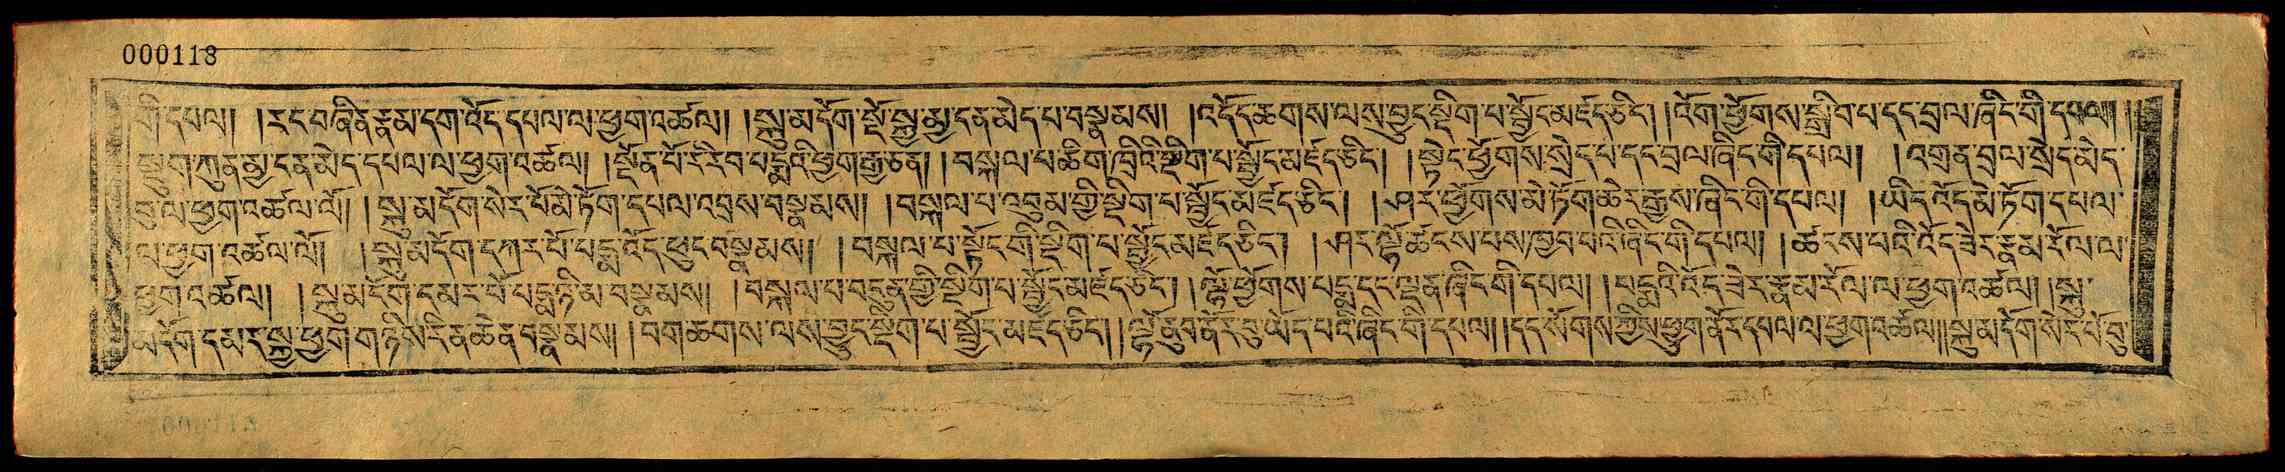གི་དཔལ། །རང་བཞིན་རྣམ་དག་འོད་དཔལ་ལ་ཕྱག་འཚལ། །སྐུ་མདོག་སྔོ་སྐ་མྱ་ངན་མེད་པ་བསྣམས། །འདོད་ཆགས་ལས་བྱུང་སྡིག་པ་སྦྱོང་མཛད་ཅིང་། །འོག་ཕྱོགས་སྒྲིབ་པ་དན་བྲལ་ཞིང་གི་དཔལ། །
སྡུག་ཀུན་མྱ་ངན་མེད་དཔལ་ལ་ཕྱག་འཚལ། །སྔོན་པོ་རི་རབ་པདམའི་ཕྱག་རྒྱ་ཅན། །བསྐལ་པ་ཆིག་ཁྲའི་སྡིག་པ་སྦྱོང་མཛད་ཅིང་། །སྟེང་ཕྱོགས་སྲེད་པ་དང་བྲལ་ཞིང་གི་དཔལ། །འགྲུན་?་བྲལ་སྲེད་མེད་
བུ་ལ་ཕྱག་འཚལ་ལོ། །སྐུ་མདོག་སེར་པོ་མེ་ཏོག་དཔལ་འབྲས་བསྣམས། །བསྐལ་པ་འབུམ་གྱི་སྡིག་པ་སྦྱོང་མཛད་ཅིང་། །ཤར་ཕྱོགས་མེ་ཏོག་ཆེར་རྒྱས་ཞིང་གི་དཔལ། །ཡིད་འོང་མེ་ཏོག་དཔལ་
ལ་ཕྱག་འཚལ་ལོ། །སྐུ་མདོག་དཀར་པོ་པདམ་འོད་ཕུང་བསྣམས། །བསྐལ་པ་སྟོང་གི་སྡིག་པ་སྦྱོང་མཛད་ཅིང།།ཤར་ལྷོ་ཚངས་པས་ཁྱབ་པའི་ཞིང་གི་དཔལ། །ཚངས་པའི་འོད་ཟེར་རྣམ་རོལ་ལ་
ཕྱག་འཚལ། །སྐུ་མདོག་དམར་པོ་པདམ་ཉི་མ་བསྣམས། །བསྐལ་པ་བདུན་གྱི་སྡིག་པ་སྦྱོང་མཛད་ཅིང་། །ལྷོ་ཕྱོགས་པདམ་དང་ལྡན་ཞིང་གི་དཔལ། །པདམའི་འོད་ཟེར་རྣམ་རོལ་ལ་ཕྱག་འཚལ། །སྐུ་
མདོག་དམར་སྐྱ་ཕྱག་གཉིས་རིན་ཆེན་བསྣམས། །བག་ཆགས་ལས་བྱུང་སྡིག་པ་སྦྱོང་མཛད་ཅིང།།ལྷོ་ནུབ་ནོར་བུ་ཡོད་པའི་ཞིང་སྒི་དཔལ། །དད་སོགས་ཀྱིས་ཕྱུག་ནོར་དཔལ་ལ་ཕྱག་འཚལ། །སྐུ་མདོག་སེར་པོ་པུ་